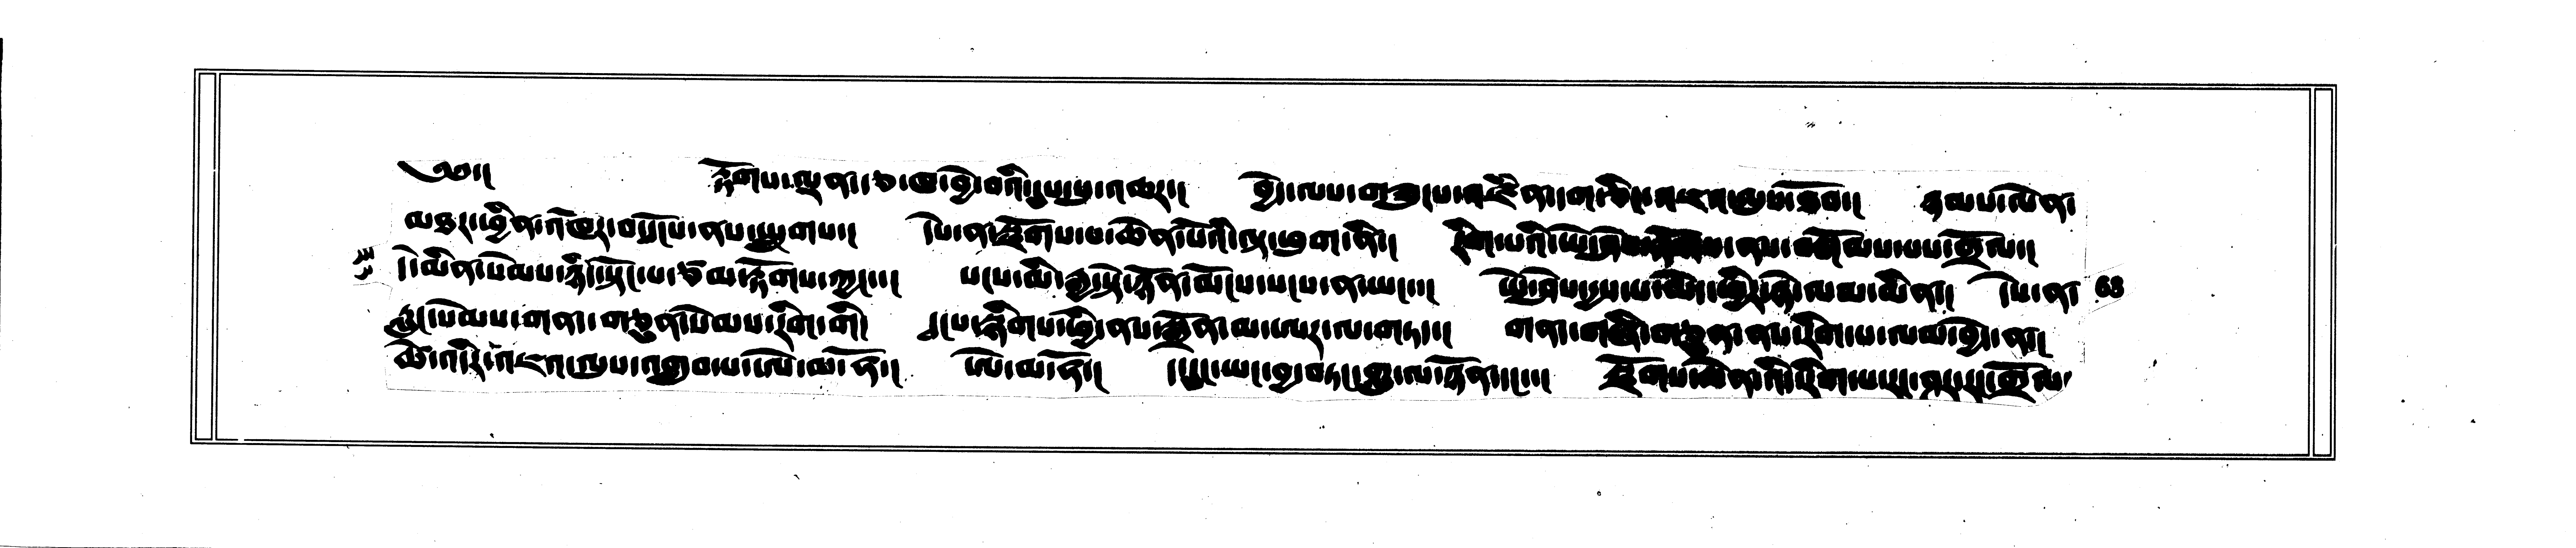རྟོགས་ལྡན་རྩ་ཁ་བྱེ་བའི་དུས་སུ་འཆར། །བྱེད་ལས་གཟུང་འཛིན་དག་ཅིང་འཇའ་ལུས་ཐོབ། །ཉམས་ལེན་
མཐར་ཕྱིན་འཁོར་བ་དོང་ནས་སྤྲུགས། །དེས་ན་རྫོགས་པ་ཆེན་པོའི་ལྟ་ཕུག་ནི། །རིག་པའི་ཡེ་ཤེས་རྟོགས་ནས་བསྒོིམས་པས་གྲོལ། །
དེ་མིན་སེམས་ཉིད་སྟོང་པ་ཙམ་རྟོགས་ཀྱང་། །སངས་མི་རྒྱ་སྟེ་ཉོན་མོངས་སངས་ན་ཡང་། །ཡེ་ཤེས་རྒྱས་པ་མིན་ཕྱིར་ཉེ་ལམ་མིན། །དེས་ན་
རླུང་སེམས་གནད་གཅུན་སེམས་རིག་གི །དངས་སྙིགས་ཕྱེ་ནས་སྒྲོན་མ་ཨར་ལ་གཏད། །གནད་བཞི་གཅུན་ནས་རིག་པ་ལམ་བྱེད་ན། །
ཚེ་འདིར་འཇའ་ལུས་འགྲུབ་པ་ཨེ་མ་ཧོ། །ཨེ་མ་ཧོ། ད་དུང་ཡང་བྱ་བཏང་གླུ་ལ་ཉོན་དང་། །རྫོགས་ཆེན་འདི་རིག་པ་རང་ཤར་རང་གྲོལ། །